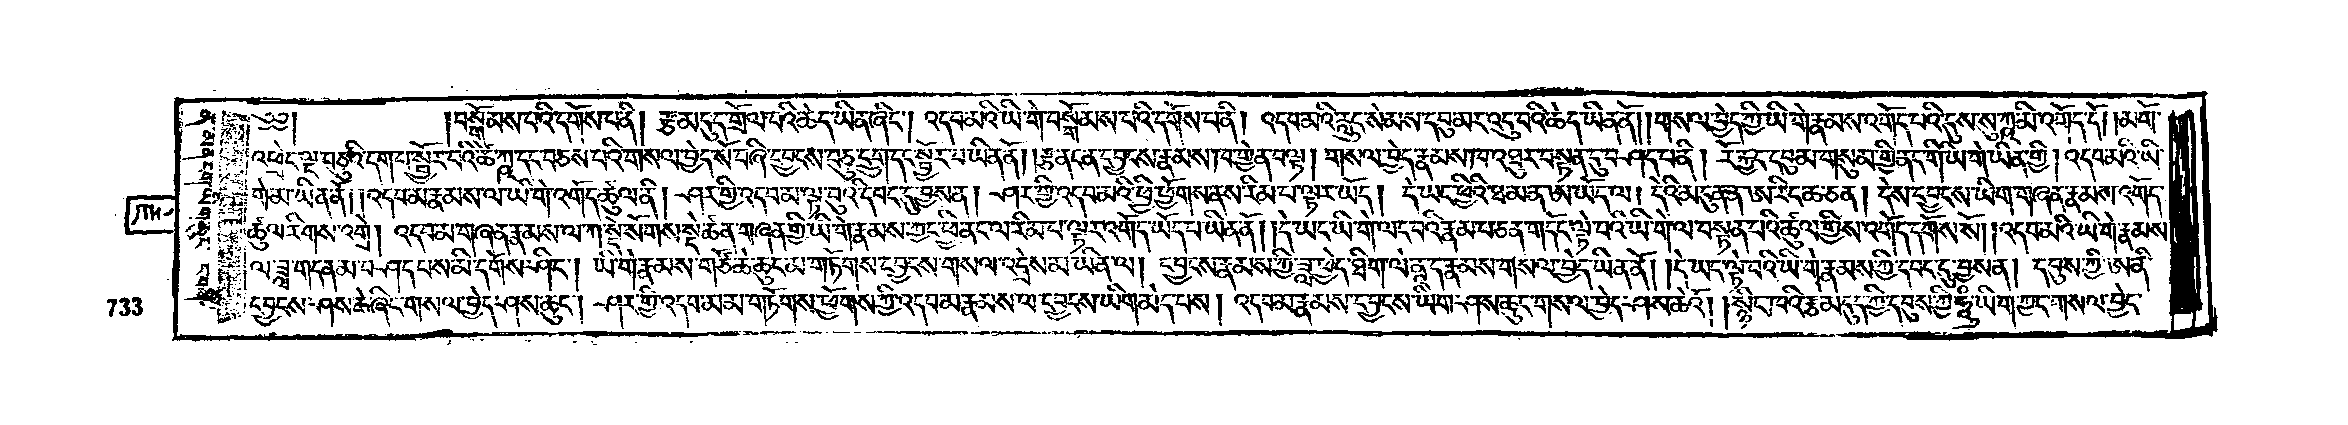༄༅། །བསྒོམས་པའི་དགོས་པ་ནི། རྩ་མདུད་གྲོལ་བའི་ཆེད་ཡིན་ཞིང་། འདབ་མའི་ཡི་གེ་བསྒོམས་པའི་དགོས་པ་ནི། འདབ་མའི་རླུང་སེམས་དབུ་མར་འདུ་བའི་ཆེད་ཡིན་ནོ། །གསལ་བྱེད་ཀྱི་ཡི་གེ་རྣམས་འགོད་པའི་དུས་སུ་ཀྵ་མི་འགོད་དོ། །མགོ་
འཕྲེང་ལྔ་བཅུའི་དག་པ་སྦྱོར་བའི་ཚེ་ཀྵ་དང་བཅས་པའི་གསལ་བྱེད་སོ་བཞི་དབྱངས་བཅུ་དྲུག་དང་སྦྱོར་བ་ཡིན་ནོ། །རྩ་ནང་ན་དབྱངས་རྣམས་ཁ་གྱེན་བལྟ། གསལ་བྱེད་རྣམས་ཁ་འཐུར་བསྟན་དུ་བཤད་པ་ནི། རོ་རྐྱང་དབུ་མ་གསུམ་གྱི་ནང་གི་ཡི་གེ་ཡིན་གྱི། འདབ་མའི་ཡི་
གེ་མ་ཡིན་ནོ། །འདབ་མ་རྣམས་ལ་ཡི་གེ་འགོད་ཚུལ་ནི། ཤར་གྱི་འདབ་མ་ལྟ་བུའི་དབང་དུ་བྱས་ན། ཤར་གྱི་འདབ་མའི་ཕྱི་ཕྱོགས་ནས་རིམ་པ་ལྟར་ཡོད། དེ་ཡང་ཕྱིའི་ཐ་མ་ན་ཨ་ཡོད་ལ། དེའི་མདུན་ན་ཨ་རིང་ཆ་ཅན། དེས་དབྱངས་ཡིག་གཞན་རྣམས་འགོད་
ཚུལ་རིགས་འགྲོ། འདབ་མ་གཞན་རྣམས་ལ་ཀ་སྡེ་སོགས་སྡེ་ཚན་གཞན་གྱི་ཡི་གེ་རྣམས་ཀྱང་ཕྱི་ནང་ལ་རིམ་པ་ལྟར་འགོད་ཡོད་པ་ཡིན་ནོ། །དེ་ཡང་ཡི་གེ་ལང་བའི་རྣམ་པ་ཅན་གདོང་ལྟེ་བའི་ཡི་གེ་ལ་བསྟན་པའི་ཚུལ་གྱིས་འགོད་དགོས་སོ། །འདབ་མའི་ཡི་གེ་རྣམས་
ལ་ཟླ་གདན་མ་བཤད་པས་མི་དགོས་ཤིང་། ཡི་གེ་རྣམས་གཙོ་ཆེ་ཆུང་མ་གཏོགས་དབྱངས་གསལ་འདྲེས་མ་ཡིན་ལ། དབྱངས་རྣམས་ཀྱི་ཟླ་ཕྱེད་ཐིག་ལེ་ནཱ་ད་རྣམས་གསལ་བྱེད་ཡིན་ནོ། །དེ་ཡང་ལྟེ་བའི་ཡི་གེ་རྣམས་ཀྱི་དབང་དུ་བྱས་ན། དབུས་ཀྱང་ཨ་ནི་
དབྱངས་ཤས་ཆེ་ཞིང་གསལ་བྱེད་ཤས་ཆུང་། ཤར་གྱི་འདབ་མ་མ་གཏོགས་ཕྱོགས་ཀྱི་འདབ་མ་རྣམས་ལ་དབྱངས་ཡིག་མེད་པས། འདབ་མ་རྣམས་དབྱངས་ཡིག་ཤས་ཆུང་གསལ་བྱེད་ཤས་ཆེའོ། །སྙིང་ཁའི་རྩ་མདུད་ཀྱི་དབུས་ཀྱི་ཧཱུཾ་ཡིག་ཀྱང་གསལ་བྱེད་